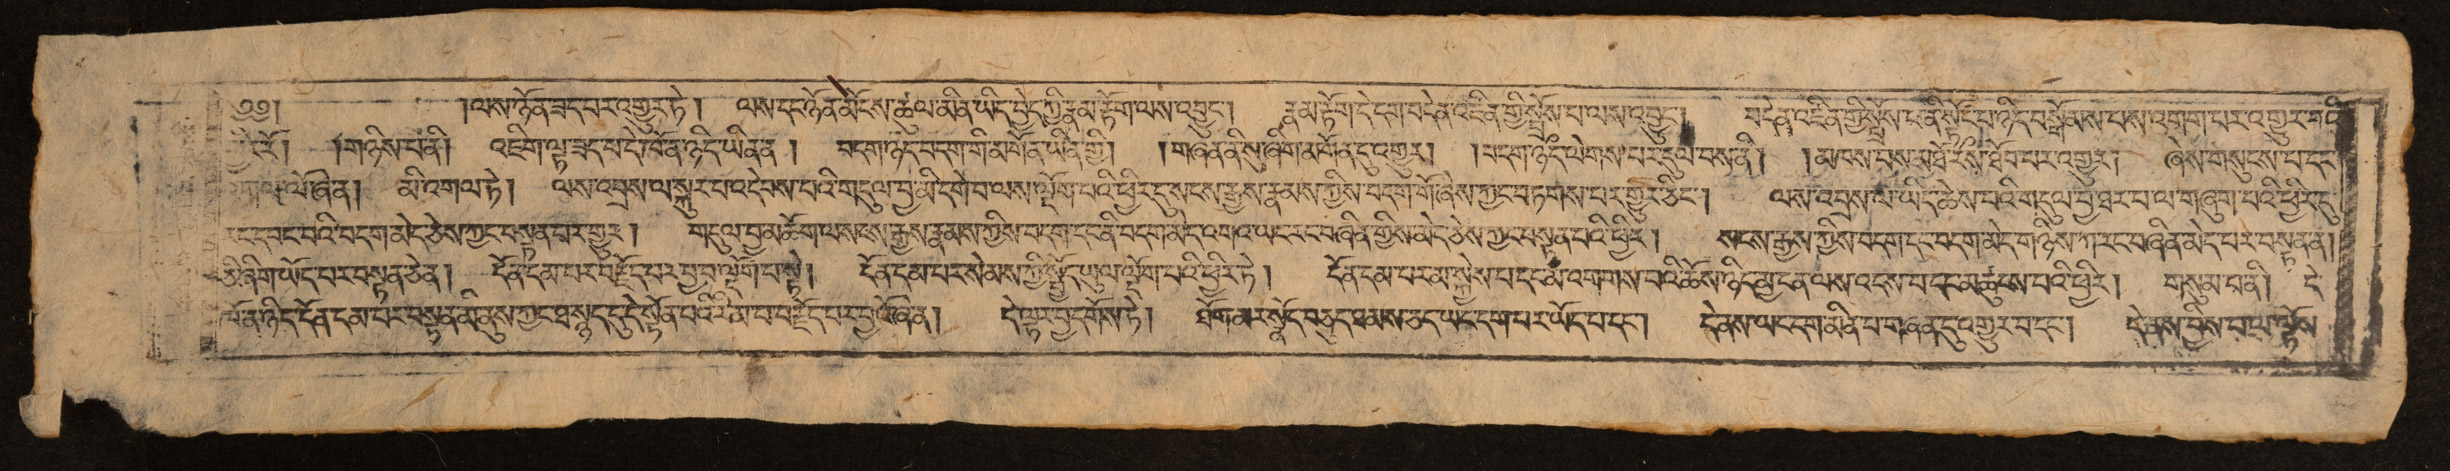༄༅། །ལས་ཉོན་ཟད་པར་འགྱུར་ཏེ། ལས་དང་ཉོན་མོངས་ཚུལ་མིན་ཡིད་བྱེད་ཀྱི་རྣམ་རྟོག་ལས་འབྱུང་། རྣམ་རྟོག་དེ་དག་བདེན་འཛིན་གྱི་སྤྲོས་པ་ལས་འབྱུང་། བདེན་འཛིན་གྱི་སྤྲོས་པ་ནི་སྟོང་པ་ཉིད་བསྒོམས་པས་འགག་པར་འགྱུར་བའི་
ཕྱིར་རོ། །གཉིས་པ་ནི། འཇིག་ལྟ་ཟད་པ་དེ་ཁོ་ན་ཉིད་ཡིན་ན། བདག་ཉིད་བདག་གི་མགོན་ཡིན་གྱི། །གཞན་ནི་སུ་ཞིག་མགོན་དུ་འགྱུར། །བདག་ཉིད་ལེགས་པར་དུལ་བས་ནི། །མཁས་པས་མཐོ་རིས་ཐོབ་པར་འགྱུར། ཞེས་གསུངས་པ་དང་
འགལ་ལོ་ཞེ་ན། མི་འགལ་ཏེ། ལས་འབྲས་ལ་སྐུར་པ་འདེབས་པའི་གདུལ་བྱ་མི་དགེ་བ་ལས་ལྡོག་པའི་ཕྱིར་དུ་སངས་རྒྱས་རྣམས་ཀྱིས་བདག་གོ་ཞེས་ཀྱང་བཏགས་པར་གྱུར་ཅིང་། ལས་འབྲས་ལ་ཡིད་ཆེས་པའི་གདུལ་བྱ་ཐར་པ་ལ་གཞུག་པའི་ཕྱིར་དུ་
རང་དབང་བའི་བདག་མེད་ཅེས་ཀྱང་བསྟན་པར་གྱུར། གདུལ་བྱ་མཆོག་ལ་སངས་རྒྱས་རྣམས་ཀྱིས་བདག་དང་ནི་བདག་མེད་འགའ་ཡང་རང་བཞིན་གྱིས་མེད་ཅེས་ཀྱང་བསྟན་པའི་ཕྱིར། སངས་རྒྱས་ཀྱིས་བདག་དང་བདག་མེད་གཉིས་ཀ་རང་བཞིན་མེད་པར་བསྟན་ན།
ཅི་ཞིག་ཡོད་པར་བསྟན་ཅེ་ན། དོན་དམ་པར་བརྗོད་པར་བྱ་བ་ལྡོག་པ་སྟེ། དོན་དམ་པར་སེམས་ཀྱི་སྤྱོད་ཡུལ་ལྡོག་པའི་ཕྱིར་ཏེ། དོན་དམ་པར་མ་སྐྱེས་པ་དང་མ་འགགས་པའི་ཆོས་ཉིད་མྱ་ངན་ལས་འདས་པ་དང་མཚུངས་པའི་ཕྱིར། གསུམ་པ་ནི། དེ་
ཁོ་ན་ཉིད་དོན་དམ་པར་བསྟན་མི་ནུས་ཀྱང་ཐ་སྙད་དུ་དེ་སྟོན་པའི་རིམ་པ་བརྗོད་པར་བྱའོ་ཞེ་ན། དེ་ལྟར་བྱ་དགོས་ཏེ། ཐོག་མར་སྣོད་བཅུད་ཐམས་ཅད་ཡང་དག་པར་ཡོད་པ་དང་། དེ་ནས་ཡང་དག་མིན་པ་གཞན་དུ་འགྱུར་བ་དང་། དེ་ནས་བྱིས་པ་ལ་ལྟོས་